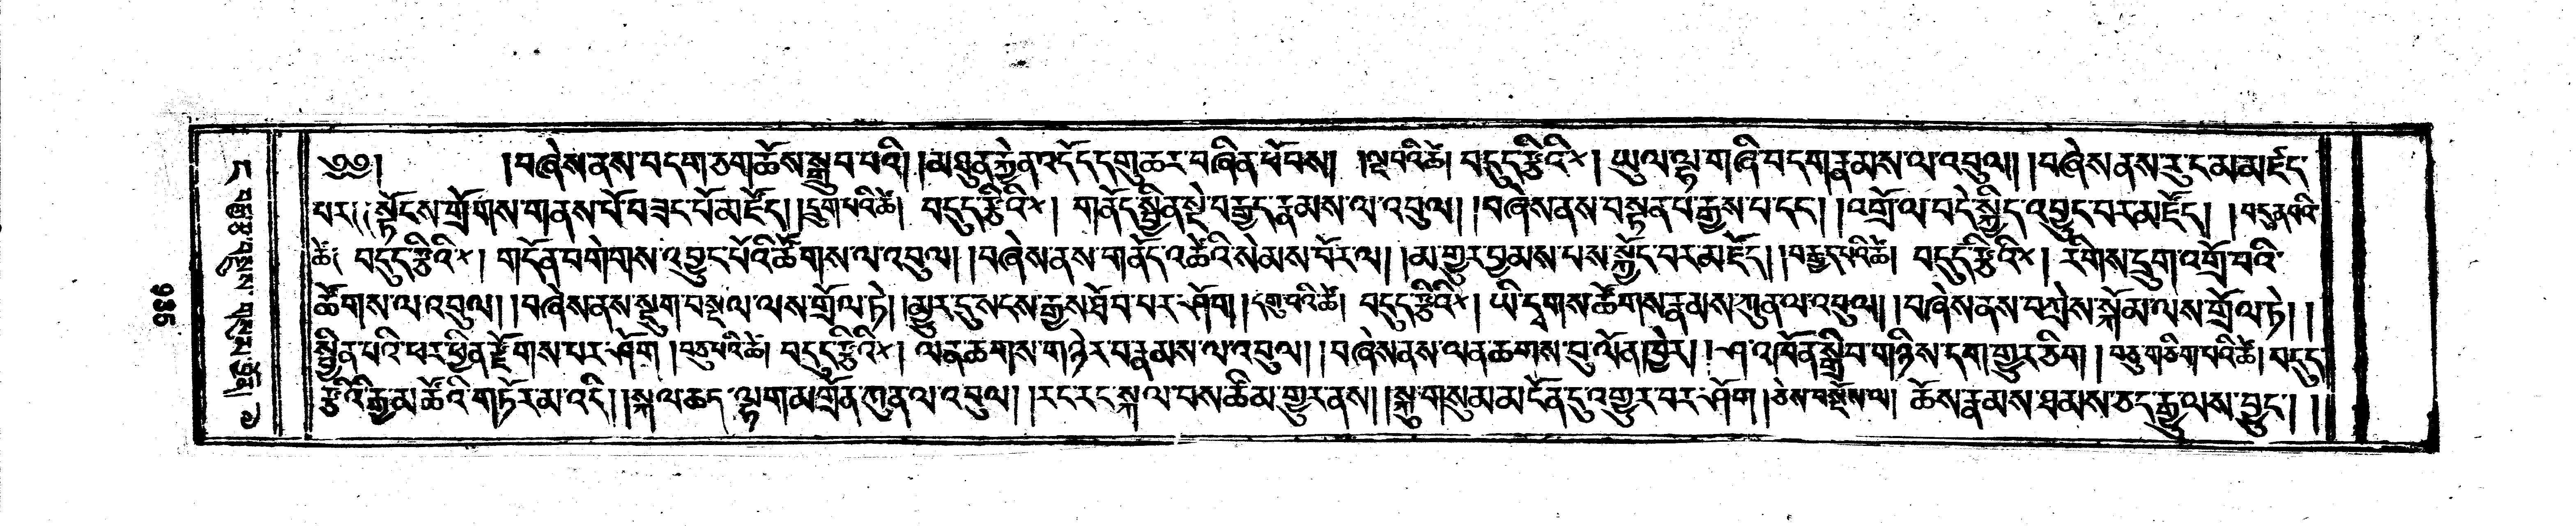༄༅། །བཞེས་ནས་བདག་ཅག་ཆོས་སྒྲུབ་པའི། །མཐུན་རྐྱེན་འདོད་དགུ་ཆར་བཞིན་ཕོབས། །ལྔ་པའི་ཚེ།  བདུད་རྩིའི་྾། ཡུལ་ལྷ་གཞི་བདག་རྣམས་ལ་འབུལ། །བཞེས་ནས་རུ་ང་མ་མཛད་
པར༑ ༑སྟོངས་གྲོགས་གནས་པོ་བཟང་པོ་མཛོད། །དྲུག་པའི་ཚེ།  བདུད་རྩིའི་྾། གནོད་སྦྱིན་སྡེ་བརྒྱད་རྣམས་ལ་འབུལ། །བཞེས་ནས་བསྟན་པ་རྒྱས་པ་དང་། །འགྲོ་ལ་བདེ་སྐྱིད་འབྱུང་བར་མཛོད། །བདུན་པའི་
ཚེ༑ བདུད་རྩིའི་྾། གདོན་བགེགས་འབྱུང་པོའི་ཚོགས་ལ་འབུལ། །བཞེས་ནས་གནོད་འཚེའི་སེམས་བོར་ལ། །མ་གྱུར་བྱམས་པས་སྐྱོང་བར་མཛོད། །བརྒྱད་པའི་ཚེ།  བདུད་རྩིའི་྾། རིགས་དྲུག་འགྲོ་བའི་
ཚོགས་ལ་འབུལ། །བཞེས་ནས་སྡུག་བསྔལ་ལས་གྲོལ་ཏེ། །མྱུར་དུ་སངས་རྒྱས་ཐོབ་པར་ཤོག་།དགུ་པའི་ཚེ།  བདུད་རྩིའི་྾། ཡི་དྭགས་ཚོགས་རྣམས་ཀུན་ལ་འབུལ། །བཞེས་ནས་བཀྲེས་སྐོམ་ལས་གྲོལ་ཏེ། །
སྦྱིན་པའི་ཕར་ཕྱིན་རྫོགས་པར་ཤོག་།བཅུ་པའི་ཚེ།  བདུད་རྩིའི་྾། ལན་ཆགས་གཉེར་བ་རྣམས་ལ་འབུལ། །བཞེས་ནས་ལན་ཆགས་བུ་ལོན་ཁྱེར། །ཤ་འཁོན་སྒྲིབ་གཉིས་དག་གྱུར་ཅིག་།བཅུ་གཅིག་པའི་ཚེ།  བདུད་
རྩིའི་རྒྱ་མཚོའི་གཏོར་མ་འདི། །སྐལ་ཆད་ལྷག་མགྲོན་ཀུན་ལ་འབུལ། །རང་རང་སྐལ་བས་ཚིམ་གྱུར་ནས། །སྐུ་གསུམ་མངོན་དུ་འགྱུར་བར་ཤོག་།ཅེས་བསྔོས་ལ།  ཆོས་རྣམས་ཐམས་ཅད་རྒྱུ་ལས་བྱུང་། །